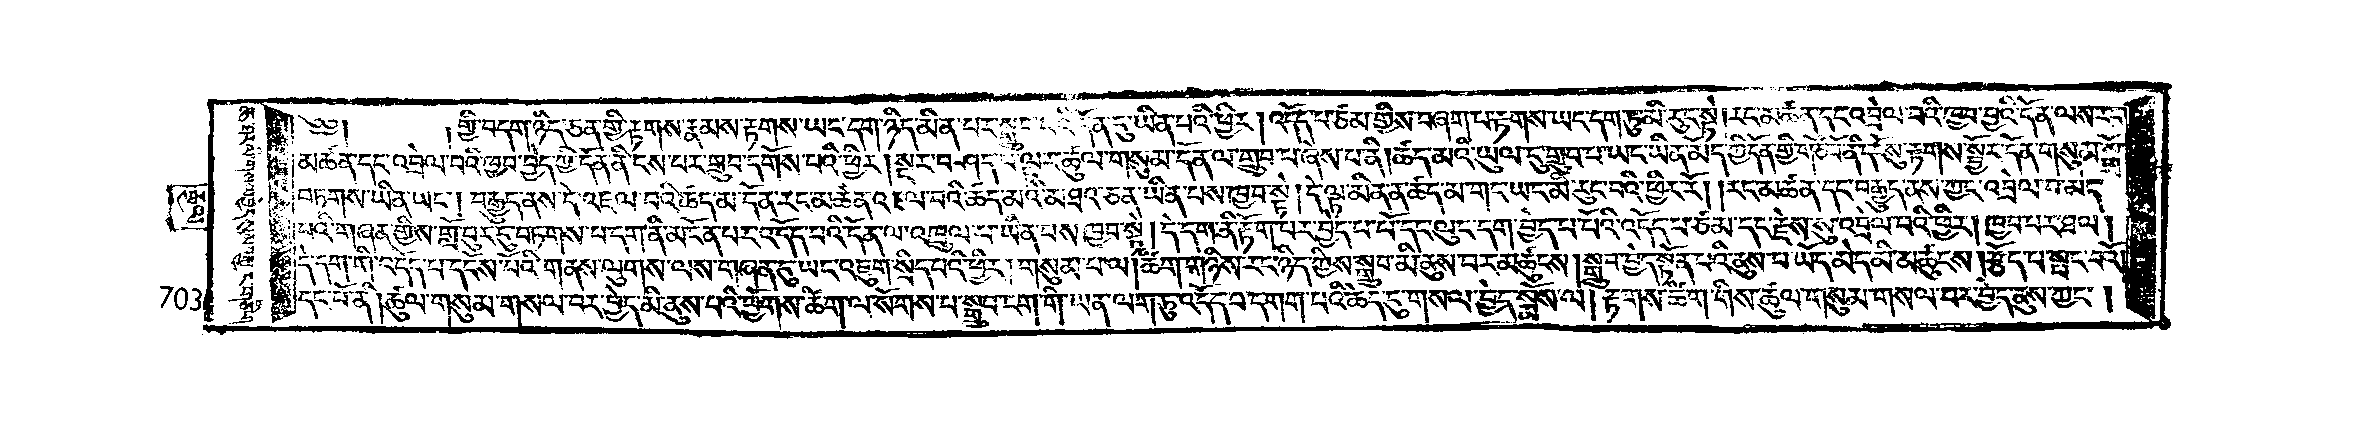༄༅། །གྱི་བདག་ཉིད་ཅན་གྱི་རྟགས་རྣམས་རྟགས་ཡང་དག་ཉིད་མིན་པར་སྒྲུབ་པའི་དོན་དུ་ཡིན་པའི་ཕྱིར། འདོད་པ་ཙམ་གྱིས་བཞག་པ་རྟགས་ཡང་དག་ཏུ་མི་རུང་སྟེ། རང་མཚན་དང་འབྲེལ་བའི་ཁྱབ་བྱའི་དོན་ལས་རབ་
མཚན་དང་འབྲེལ་བའི་ཁྱབ་བྱེད་ཀྱི་དོན་ནི་ངས་པར་གྲུབ་དགོས་པའི་ཕྱིར། སྔར་བཤད་པ་ལྟར་ཚུལ་གསུམ་དོན་ལ་གྲུབ་པ་ཞེས་པ་ནི། ཚད་མའི་ཡུལ་དུ་གྲུབ་པ་ཡང་ཡིན་མོད་ཀྱི་དོན་གྱི་གཙོ་བོ་ནི་དངོས་སུ་རྟགས་སྦྱོར་དོན་གསུམ་སྒྲོ་
བཏགས་ཡིན་ཡང་། བརྒྱུད་ནས་དེ་འཇལ་བའི་ཚད་མ་དོན་རང་མཚན་འཇལ་བའི་ཚད་མའི་མཐའ་ཅན་ཡིན་པས་ཁྱབ་སྟེ། དེ་ལྟ་མིན་ན་ཚད་མ་གང་ཡང་མི་རུང་བའི་ཕྱིར་རོ། །རང་མཚན་དང་བརྒྱུད་ནས་ཀྱང་འབྲེལ་བ་མེད་
པའི་གཞན་གྱིས་གློ་བུར་དུ་བཏགས་པ་དག་ནི་མངོན་པར་འདོད་པའི་དོན་ལ་འཁྲུལ་པ་ཡིན་པས་ཁྱབ་སྟེ། དེ་དག་ནི་རྟོག་པར་བྱེད་པ་པོ་དང་ལུང་དག་བྱེད་པ་པོའི་འདོད་པ་ཙམ་དང་རྗེས་སུ་འབྲེལ་བའི་ཕྱིར། ཁྱབ་པར་ཐལ།
དེ་དག་གི་འདོད་པ་དངོས་པོའི་གནས་ལུགས་ལས་གཞན་དུ་ཡང་འཇུག་སྲིད་པའི་ཕྱིར། གསུམ་པ་ལ། ཚིག་གཉིས་རང་ཉིད་ཀྱིས་སྒྲུབ་མི་ནུས་པར་མཚུངས། སྒྲུབ་བྱེད་སྟོན་པའི་ནུས་པ་ཡོད་མེད་མི་མཚུངས་།རྩོད་པ་སྤང་བའོ།
དང་པོ་ནི། ཚུལ་གསུམ་གསལ་བར་བྱེད་མི་ནུས་པའི་ཕྱོགས་ཚིག་ལ་སོགས་པ་སྒྲུབ་ངག་གི་ཡན་ལག་ཏུ་འདོད་པ་དགག་པའི་ཆེད་དུ་གསལ་བྱེད་སྨོས་ལ། རྟགས་ཚིག་གིས་ཚུལ་གསུམ་གསལ་བར་བྱེད་ནུས་ཀྱང་།